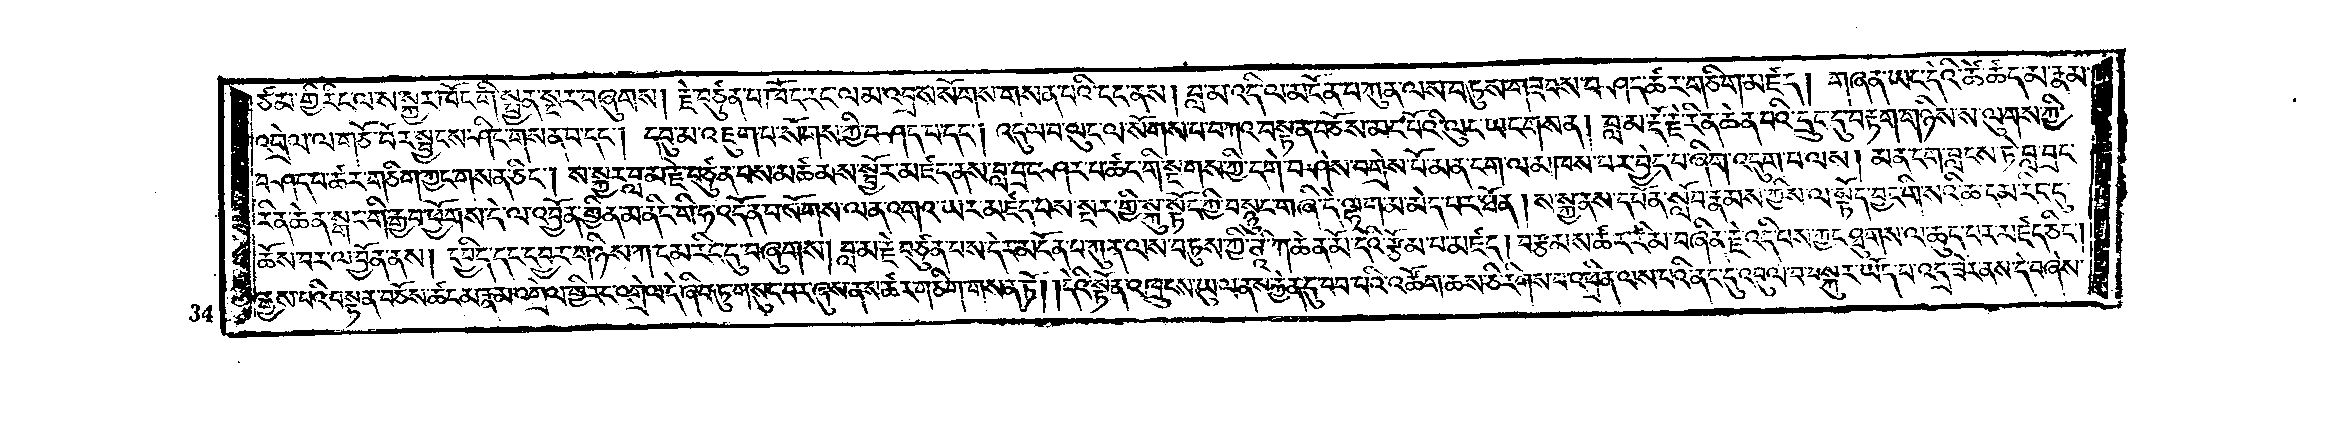ཙམ་གྱི་རིང་ལས་སྐྱར་ཁོང་གི་སྤྱན་སྔར་བཞུགས། རྗེ་བཙུན་པ་ཁོང་རང་ལམ་འབྲས་སོགས་གསན་པའི་ངང་ནས། བླ་མ་འདི་ལ་མངོན་པ་ཀུན་ལས་བཏུས་གཟབས་བཤད་ཚར་གཅིག་མཛད། གཞན་ཡང་དེའི་ཚེ་ཚད་མ་རྣམ་
འབྲེལ་ལ་གཙོ་བོར་སྦྱངས་ཤིང་གསན་བ་དང་། དབུ་མ་འཇུག་པ་སོགས་ཀྱི་བཤད་པ་དང་། འདུལ་བ་ལུང་ལ་སོགས་པ་བཀའ་བསྟན་བཅོས་མང་པོའི་ལུང་ཡང་གསན། བླ་མ་རྡོ་རྗེ་རིན་ཆེན་པའི་དྲུང་དུ་བརྟག་གཉིས་ས་ལུགས་ཀྱི་
བཤད་པ་ཚར་གཅིག་ཀྱང་གསན་ཅིང་། ས་སྐྱར་བླ་མ་རྗེ་བཙུན་པས་མཚམས་སྦྱོར་མཛད་ནས་བླ་བྲང་ཤར་པ་ཚང་གི་སྔགས་ཀྱི་དགེ་བཤེས་བགྲེས་པོ་མན་ངག་ལ་མཁས་པར་བྱེད་པ་ཞིག་འདུག་པ་ལས། མན་ངག་བླངས་ཏེ་བླ་བྲང་
རིན་ཆེན་སྒང་གི་རྒྱབ་ཕྱོགས་དེ་ལ་འབྱོན་གྱིན་མ་ནིང་གི་ཧ་འདོན་པ་སོགས་ལན་འགའ་ཡར་མཛད་པས་སྔར་གྱི་སྐུ་སྟོང་ཀྱི་བསྙུང་གཞི་དེ་ལྷག་མ་མེད་པར་ཐོན། ས་སྐྱ་ནས་དཔོན་སློབ་རྣམས་ཀྱིས་ལ་སྟོད་བྱང་གི་སའི་ཆ་དམ་རིང་དུ་
ཆོས་བར་ལ་བྱོན་ནས། དཔྱིད་དང་དབྱར་གཉིས་ཀ་ངམ་རིང་དུ་བཞུགས། བླ་མ་རྗེ་བཙུན་པས་དེར་མངོན་པ་ཀུན་ལས་བཏུས་ཀྱི་ཊཱིཀ་ཆེན་མོ་དེའི་རྩོམ་པ་མཛད། བརྩམས་ཚར་རིམ་བཞིན་རྗེ་འདི་པས་ཀྱང་ཐུགས་ལ་ཆུད་པར་མཛད་ཅིང་།
རྒྱས་པའི་བསྟན་བཅོས་ཚད་མ་རྣམ་འགྲེལ་ཕྱི་རང་འགྲེལ་དེ་ཞིབ་ཏུ་གསུང་བར་ཞུས་ནས་ཚར་གཅིག་གསན་ཏོ། །དེའི་སྟོན་འཁྲུངས་ཡུལ་ཏྣས་རྐྱེན་དུ་བབ་པའི་འཚོག་ཆས་ཅི་རིགས་པ་འཕྲིན་ལས་པའི་ནང་དུ་འབུལ་བ་བསྐུར་ཡོད་པ་འདྲ་ཟེར་ནས་དེ་བཞེས་